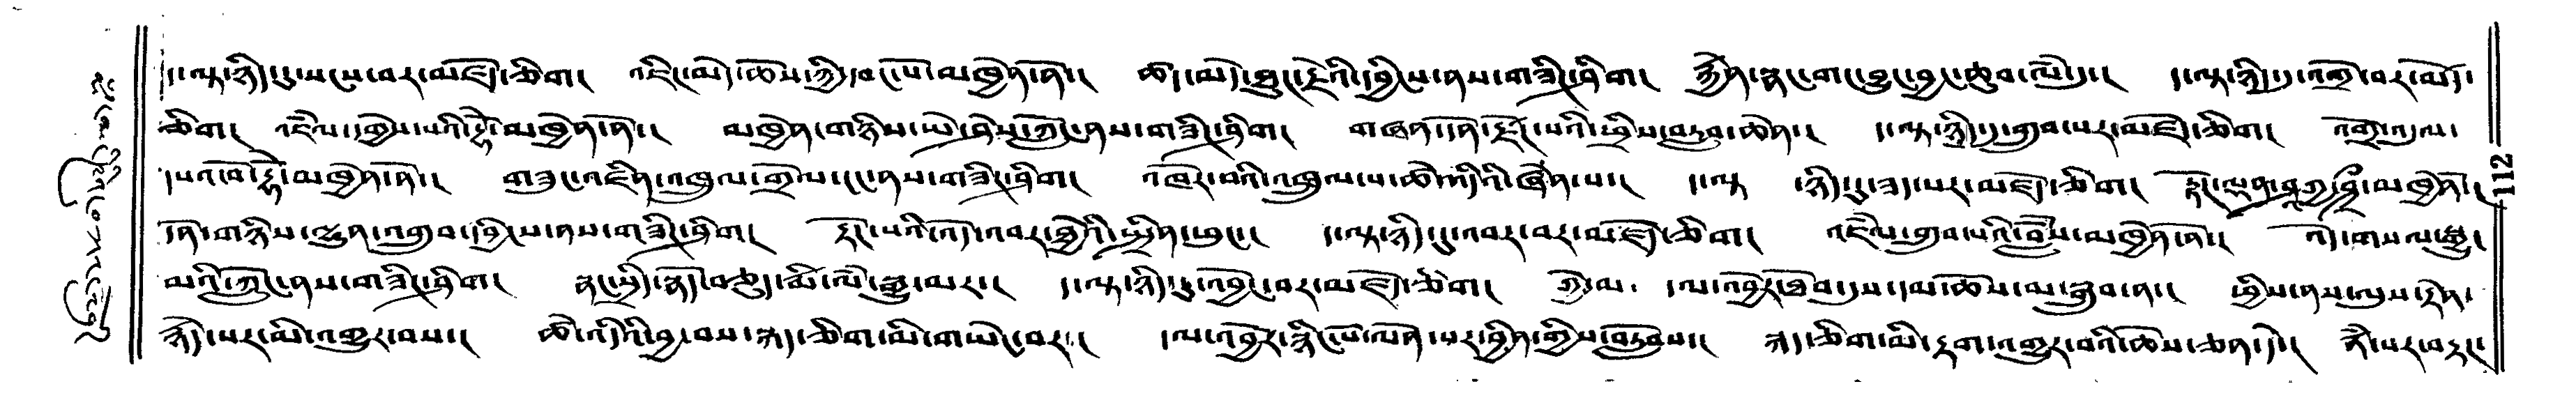།ད་ལྟ་ཉིད་དུ་སངས་བར་མཛོད་ཅིག །འཇིགས་མེད་ཆོས་ཀྱི་དབང་པོ་མཁྱེན་ནོ། །ཚད་མེད་ཐུགས་རྗེའི་དབྱིངས་ནས་གཟིགས་ཤིག །རྐྱེན་སྣང་གང་བྱུང་བྱང་ཆུབ་ལམ་དུ། །ད་ལྟ་ཉིད་དུ་འགྲོ་བར་མཛོད་
ཅིག །འཇམ་དཔལ་དགྱེས་པའི་རྡོ་རྗེ་མཁྱེན་ནོ། །མཁྱེན་གཉིས་ཡེ་ཤེས་ཀློང་ནས་གཟིགས་ཤིག །གཞན་དོན་རྫོགས་པའི་ཕྲིན་ལས་རླབས་ཆེན། ད་ལྟ་ཉིད་དུ་གྲུབ་པར་མཛོད་ཅིག །འགྲོ་འདུལ་
དཔའ་བོ་རྡོ་རྗེ་མཁྱེན་ནོ། །གཟུང་འཛིན་འཁྲུལ་གྲོལ་ངང་ནས་གཟིགས་ཤིག །འཁོར་བའི་འཁྲུལ་པ་ཚེ་འདིའི་ཞེན་པ། །ད་ལྟ་ཉིད་དུ་ཟད་པར་མཛོད་ཅིག །རྟོགས་ལྡན་ཤཱཀྱ་ཤྲཱི་མཁྱེན་ནོ། །
དོན་གཉིས་ལྷུན་གྲུབ་དབྱིངས་ནས་གཟིགས་ཤིག །རྟོགས་པའི་འོད་འབར་ཐུགས་རྗེའི་སྤྲིན་ཕུང་། །ད་ལྟ་ཉིད་དུ་འབར་བར་མཛོད་ཅིག །འཇམ་དཔལ་གྲུབ་པའི་བློ་གྲོས་མཁྱེན་ནོ། །འོད་གསལ་སྒྱུ་
མའི་ཀློང་ནས་གཟིགས་ཤིག །སྣང་སྲིད་སྣོད་བཅུད་རྨི་ལམ་སྒྱུ་མར། །ད་ལྟ་ཉིད་དུ་འབྱོངས་བར་མཛོད་ཅིག ཀྱེ། མ་དལ་འབྱོར་ཐོབ་དུས་དམ་ཆོས་མ་སྒྲུབ་ན། །ཕྱིས་ནས་ལུས་རྟེན་
རྙེད་པར་མི་འགྱུར་བས། །ཚེ་འདིའི་བྱ་བས་སྐད་ཅིག་མི་གཡེང་བར། །དལ་འབྱོར་སྙིང་པོ་ལོན་པར་བྱིན་གྱིས་རློབས། །སྐད་ཅིག་མི་རྟག་འགྱུར་བའི་ཆོས་ཅན་དེ། །རྣམ་པར་བརྟགས་